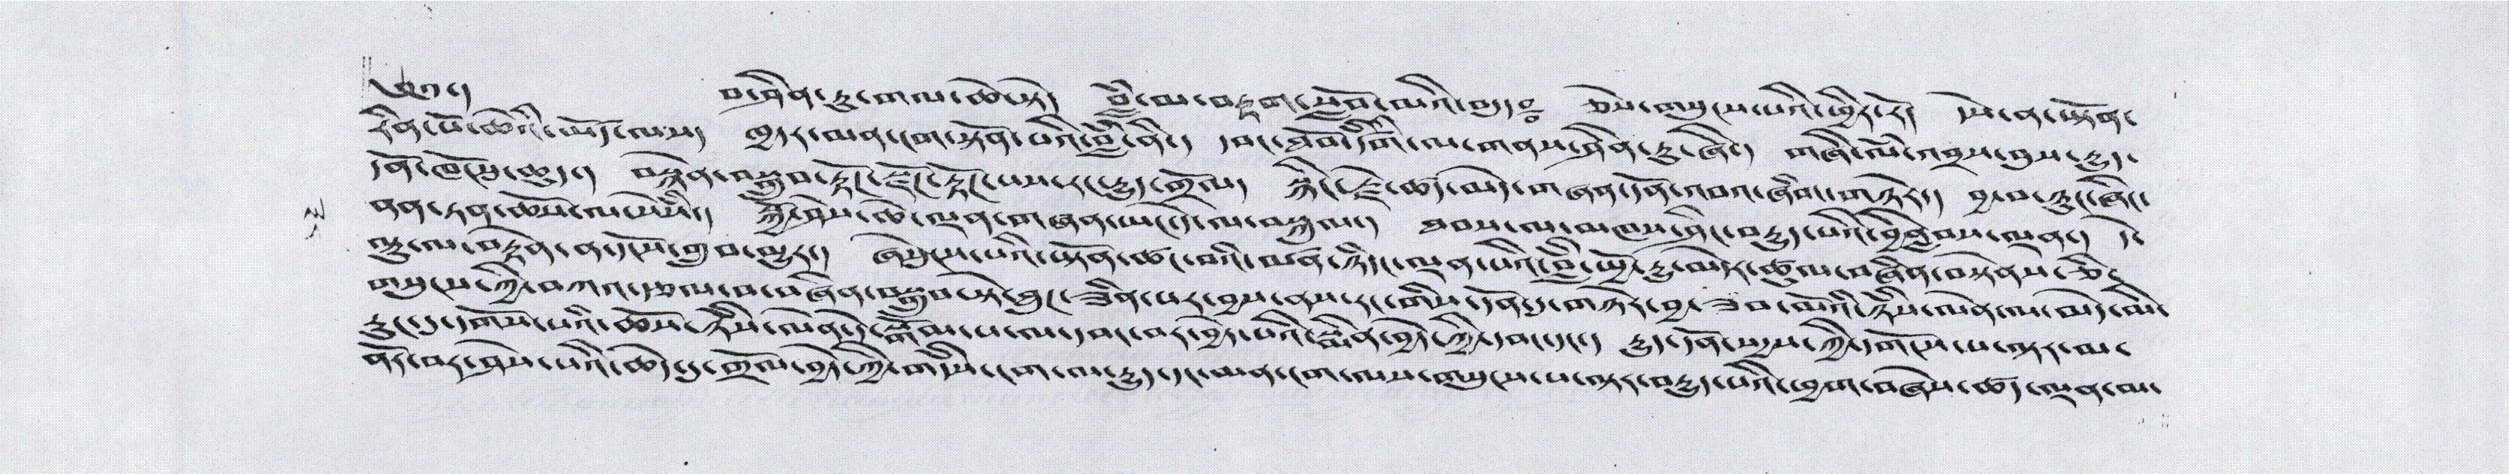བ་ཤིན་ཏུ་གལ་ཆེ་སྟེ། བླ་མ་མ་བརྟགས་སློབ་མའི་བདུདཿ ཅེས་གསུངས་པའི་ཕྱིར་རོཿ དེས་ན་ཡོན་ཏན་
རིན་པོ་ཆེའི་མཛོད་ལས། ཁྱད་པར་མན་ངག་སྟོན་པའི་བླ་མ་ནིཿ དབང་ཐོབ་དམ་ཚིག་ལ་གནས་ཤིན་ཏུ་ཞི། གཞི་ལམ་འབྲས་བུའི་རྒྱུད་
དོན་ཁོང་དུ་ཆུད། བསྙེན་སྒྲུབ་རྟོགས་རྫོགས་རྟོགས་པས་རང་རྒྱུད་གྲོལ། སྙིང་རྗེ་ཚད་མེད་གཞན་དོན་འབའ་ཞིག་གཉེར། བྱ་བ་ཉུང་ཞིང་
ནན་ཏན་ཆོས་ལ་སེམས། སྐྱོ་ཤས་ཆེ་ལྡན་གཞན་ཡང་དེ་ལ་བསྐུལ། ཐབས་ལ་མཁས་ཤིང་བརྒྱུད་པའི་བྱིན་རླབས་ལྡན། དེ་
ལྟ་བུ་ལ་བརྟེན་ན་དངོས་གྲུབ་མྱུར། ཞེས་གསུངས་པའི་ཡོན་ཏན་ཚང་བའི་མཚན་ཉིད་དང་ལྡན་པའི་བླ་མ་གཡོ་སྒྱུ་མེད་པར་ཚུལ་བཞིན་དུ་བསྟེན་ནས་ཅི་
གསུངས་ཀྱི་བཀའ་སྩལ་པ་བཞིན་བསྒྲུབ་སྟེ་ཐུགས་ཟིན་པར་བྱས་ནས་རང་གིས་དོན་དུ་གཉེར་བྱ་ཟབ་མོའི་ཉམས་ལེན་ལ་མེད་མི་
རུང་དུ་དགོས་པའི་ཆོས་ཉམས་ལེན་དེ་སྒོམ་པ་ལ་དབང་བར་བྱེད་པའི་སྨིན་བྱེད་ཀྱི་དབང་དང་། རྒྱུད་དོན་སངས་རྒྱས་ཀྱི་དགོངས་པ་ལྟར་མ་
ནོར་བར་ཤེས་པའི་ཆེད་དུ་གྲོལ་བྱེད་ཀྱི་གདམས་ངག་ལ་རྒྱུད་དང་མན་ངག་ལས་གསུངས་པ་ལྟར་བརྒྱུད་པའི་ཕྱག་བཞེས་ཚད་ལྡན་མ་